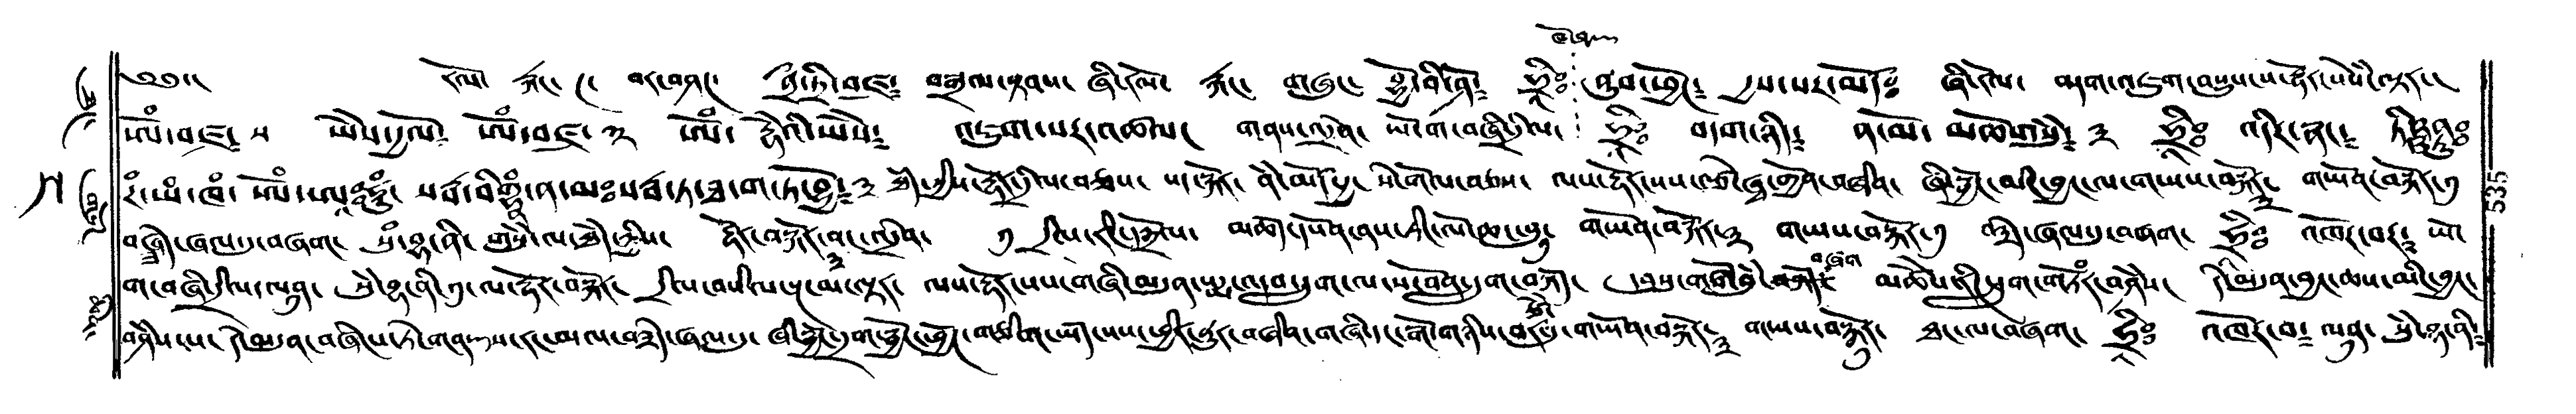རོལ། རྐང་། ཌཱ། བར་བཤགས། ནྲྀ་ཏྲི་བཛྲ༴ བསྒྲལ་བསྟབ། ཞི་རོལ། རྐང་། གཞུང་། བྷྱོ་བི་ཤོ༴ ཧྲཱིཿ ནུབ་ཕྱོགས༴ རྒྱས་པར་མཛོདཿ ཞི་རོལ། བདག་འཇུག་བསྡུས་པ་རྡོར་སེམས་ལྟར། 
ཨོཾ་བཛྲ༴ ཡེ་ཤེས་རྒྱལ་པོ༴ ཨོཾ་བཛྲ༴ གསུམ། ཨོཾཿ རྡོ་རྗེའི་ཡེ་ཤེས༴ འཇུག་པར་འཚལཿ གནས་འདྲེན། ཡོ་ག་བཞི་དྲིལ་ཁོ་ནས། ཧྲཱིཿ བདག་ཉིད༴ ན་མོཿ མཆོག་གསུམ༴ གསུམ། ཧྲཱིཿ འདིར་སྣང༴ ཏིཥྛནྟུཿ 
རྃ་ཡྃ་ཁྃཿ ཨོཾ་ཨཱཿཧཱུྃཿ སརྦ་བིགྷཱཾ་ན་མཿསརྦ་ཏ་ཐ་ག་ཏ་བྷྱོ༴ གསུམ། ཐམས་ཅད་ཀྱིས་རྡོར་དྲིལ་བཅས། པད་སྐོར། སེ་གོལ་བཅས། ལས་རྡོར་པས་རྩེ་ཞྭ་གྱོན་བཞིན། ཞི་སྦྱོང་མིང་བྱང་ལ་གཡས་བསྐོར་གསུམ། གཡོན་བསྐོར་གཅིག 
བཟེད་ཞལ་དུ་བཞག སུཾ་བྷ་ནི༴ གསུམ་ལ་ཐམས་ཅད་ཀྱིས། རྡོར་བསྐོར་གསུམ། ནང་འདྲེན་གཅིག དྲིལ་རིང་དཀྲོལ། མཆོད་དཔོན་ནས་ཏིང་ལོ་ཆང་བུ་གཅིག གཡོན་བསྐོར་གསུམ། གཡས་བསྐོར་གཅིག བཟེད་ཞལ་དུ་གཞག ཧྲཱིཿ འཁོར་བར༴ ཡོ་
ག་བཞི་དྲིལ་ལན་གཅིག སུམ་བྷ་ནི༴ གཅིག་ལ་རྡོར་བསྐོར། དྲིལ་བསིལ་སྔ་མ་ལྟར། ལས་རྡོར་པས་གཞི་མདུན་པདྨ་འདབ་དྲུག་ལ་ས་བོན་དྲུག་དགོད། དབུས་སུ་གཙོ་བུམ་གཞག མཚམས་རིགས་དྲུག་གཏོར་མ་བཤམ། དེ་མདུན་བྱང་ཆས་མིང་བྱང་
བཤམས་པ། དེ་མདུན་བཞེངས་ཏེ་གནས་པ་རང་མལ་བཟེད་ཞལ་དུ། ཞི་སྦྱོང་དྲག་སྦྱོང་ཕྱོགས་གཅིག་ཡོད་པས་ཕྱིར་ནུར་བཞིན་གཞི་དང་སྒོ་གཉིས་བར་ཙམ་དུ་གཡོན་བསྐོར་གསུམ། གཡས་བསྐོར་གཅིག ཐང་ལ་གཞག ཧྲཱིཿ འཁོར་བ༴ ལན་གཅིག སུམ་བྷ་ནི༴